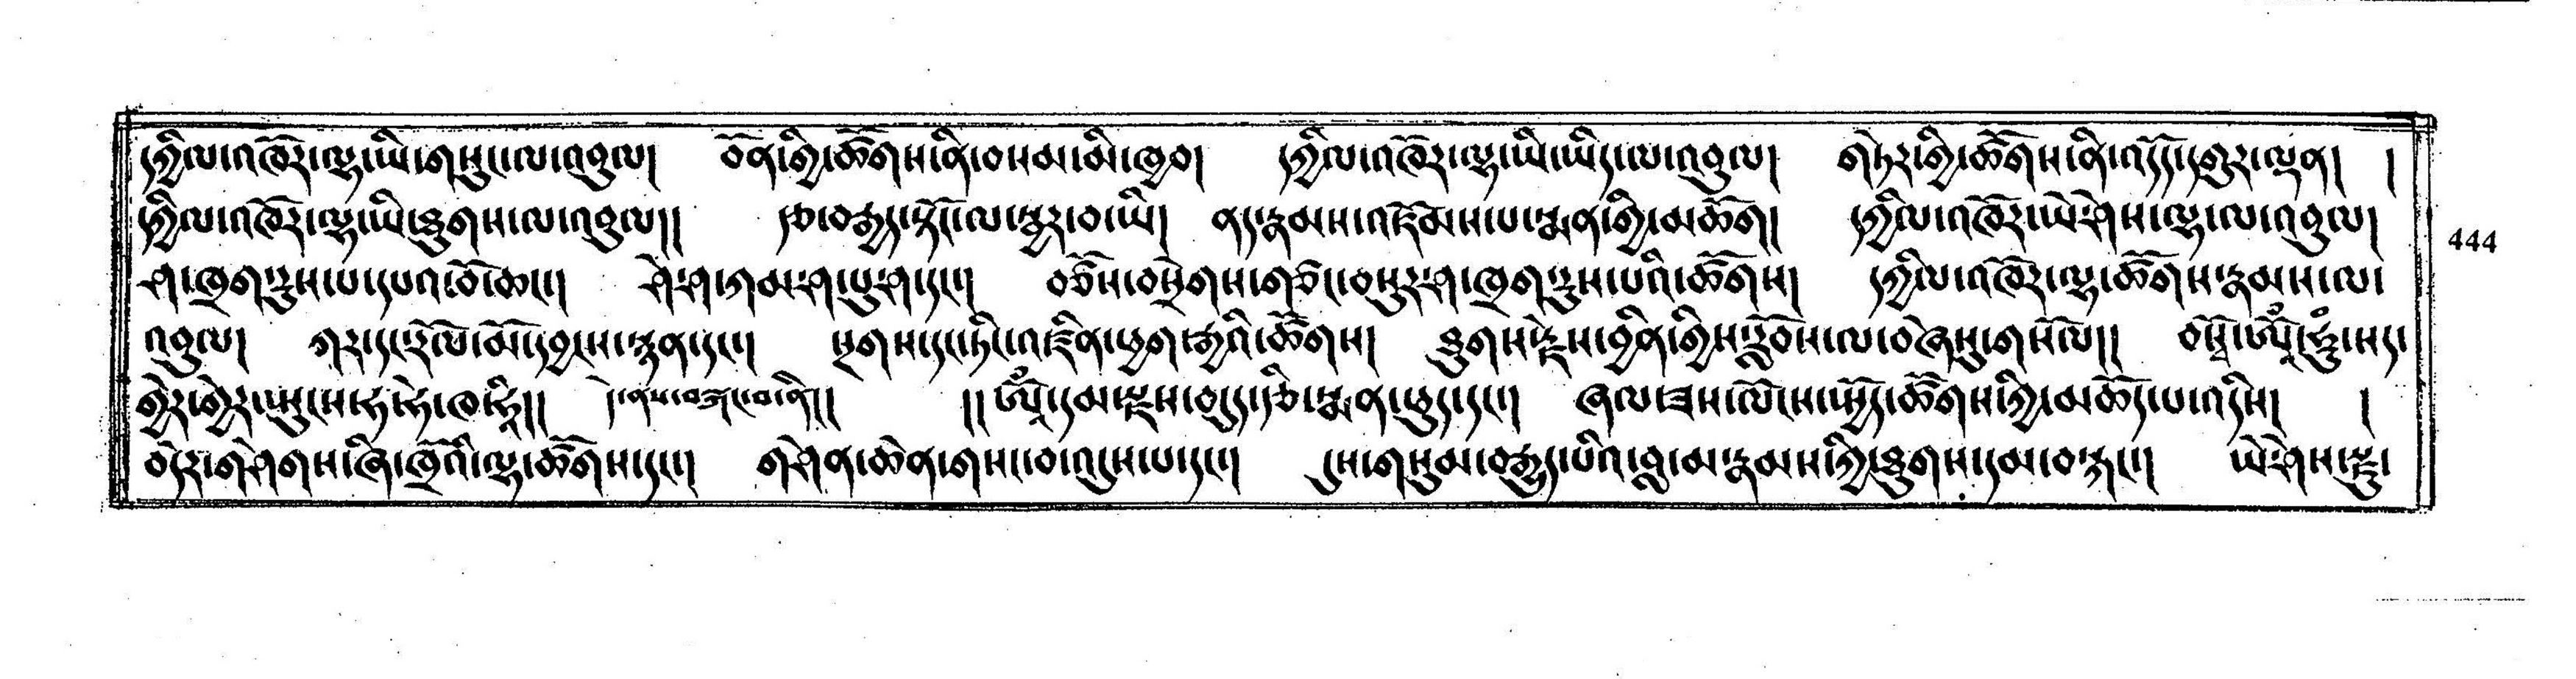དཀྱིལ་འཁོར་ལྷ་ཡི་གསུང་ལ་འབུལ། བོན་གྱི་ཚོགས་ནི་བསམ་མི་ཁྱབ། དཀྱིལ་འཁོར་ལྷ་ཡི་ཡིད་ལ་འབུལ། གཏེར་གྱི་ཚོགས་ནི་འདོད་དགུར་ལྡན། 
དཀྱིལ་འཁོར་{457}ལྷ་ཡི་ཐུགས་ལ་འབུལ།། རྩ་བརྒྱད་སྟོང་ལ་སྦྱར་བ་ཡི།། ནད་རྣམས་འཇོམས་པ་སྨན་གྱི་མཆོག དཀྱིལ་འཁོར་ཡེ་ཤེས་ལྷ་ལ་འབུལ། 
ཤ་ཁྲག་རུས་པ་དཔའ་བོ་ཆང་། ཤེ་ཤ་ཀམ་ཤ་པུ་ཤ་དང་། བཙོས་བསྲེགས་གཙང་བསུར་ཤ་ཁྲག་རུས་པའི་ཚོགས། དཀྱིལ་འཁོར་ལྷ་ཚོགས་རྣམས་ལ་
འབུལ། གར་དང་རོལ་མོ་དབྱངས་སྙན་དང་། སྔགས་དང་ཏིང་འཛིན་ཕྱག་རྒྱའི་ཚོགས། ཐུགས་རྗེས་བྱིན་གྱིས་རློབས་ལ་བཞེས་སུ་གསོལ།། བསྭོ་ཨཱོཾ་ཧཱུྃ་སད་
གྱེར་གྱེར་སྤུངས་ཧ་ཧེ་ཁ་ཧཱི།། དེ་ནས་བསྐང་བ་ནི།། །།ཨཱོཾ་དམ་རྫས་བདུད་རྩི་སྨན་ཕུད་དང་། ཞལ་ཟས་ལོངས་སྤྱོད་ཚོགས་ཀྱི་མཆོད་པ་འདིས། 
བདེར་གཤེགས་ཞི་ཁྲོའི་ལྷ་ཚོགས་དང་། གཤེན་ཆེན་གསང་བ་འདུས་པ་དང་། དུས་གསུམ་བརྒྱུད་པའི་བླ་མ་རྣམས་ཀྱི་ཐུགས་དམ་བསྐང་། ཡེ་ཤེས་རྫུ་